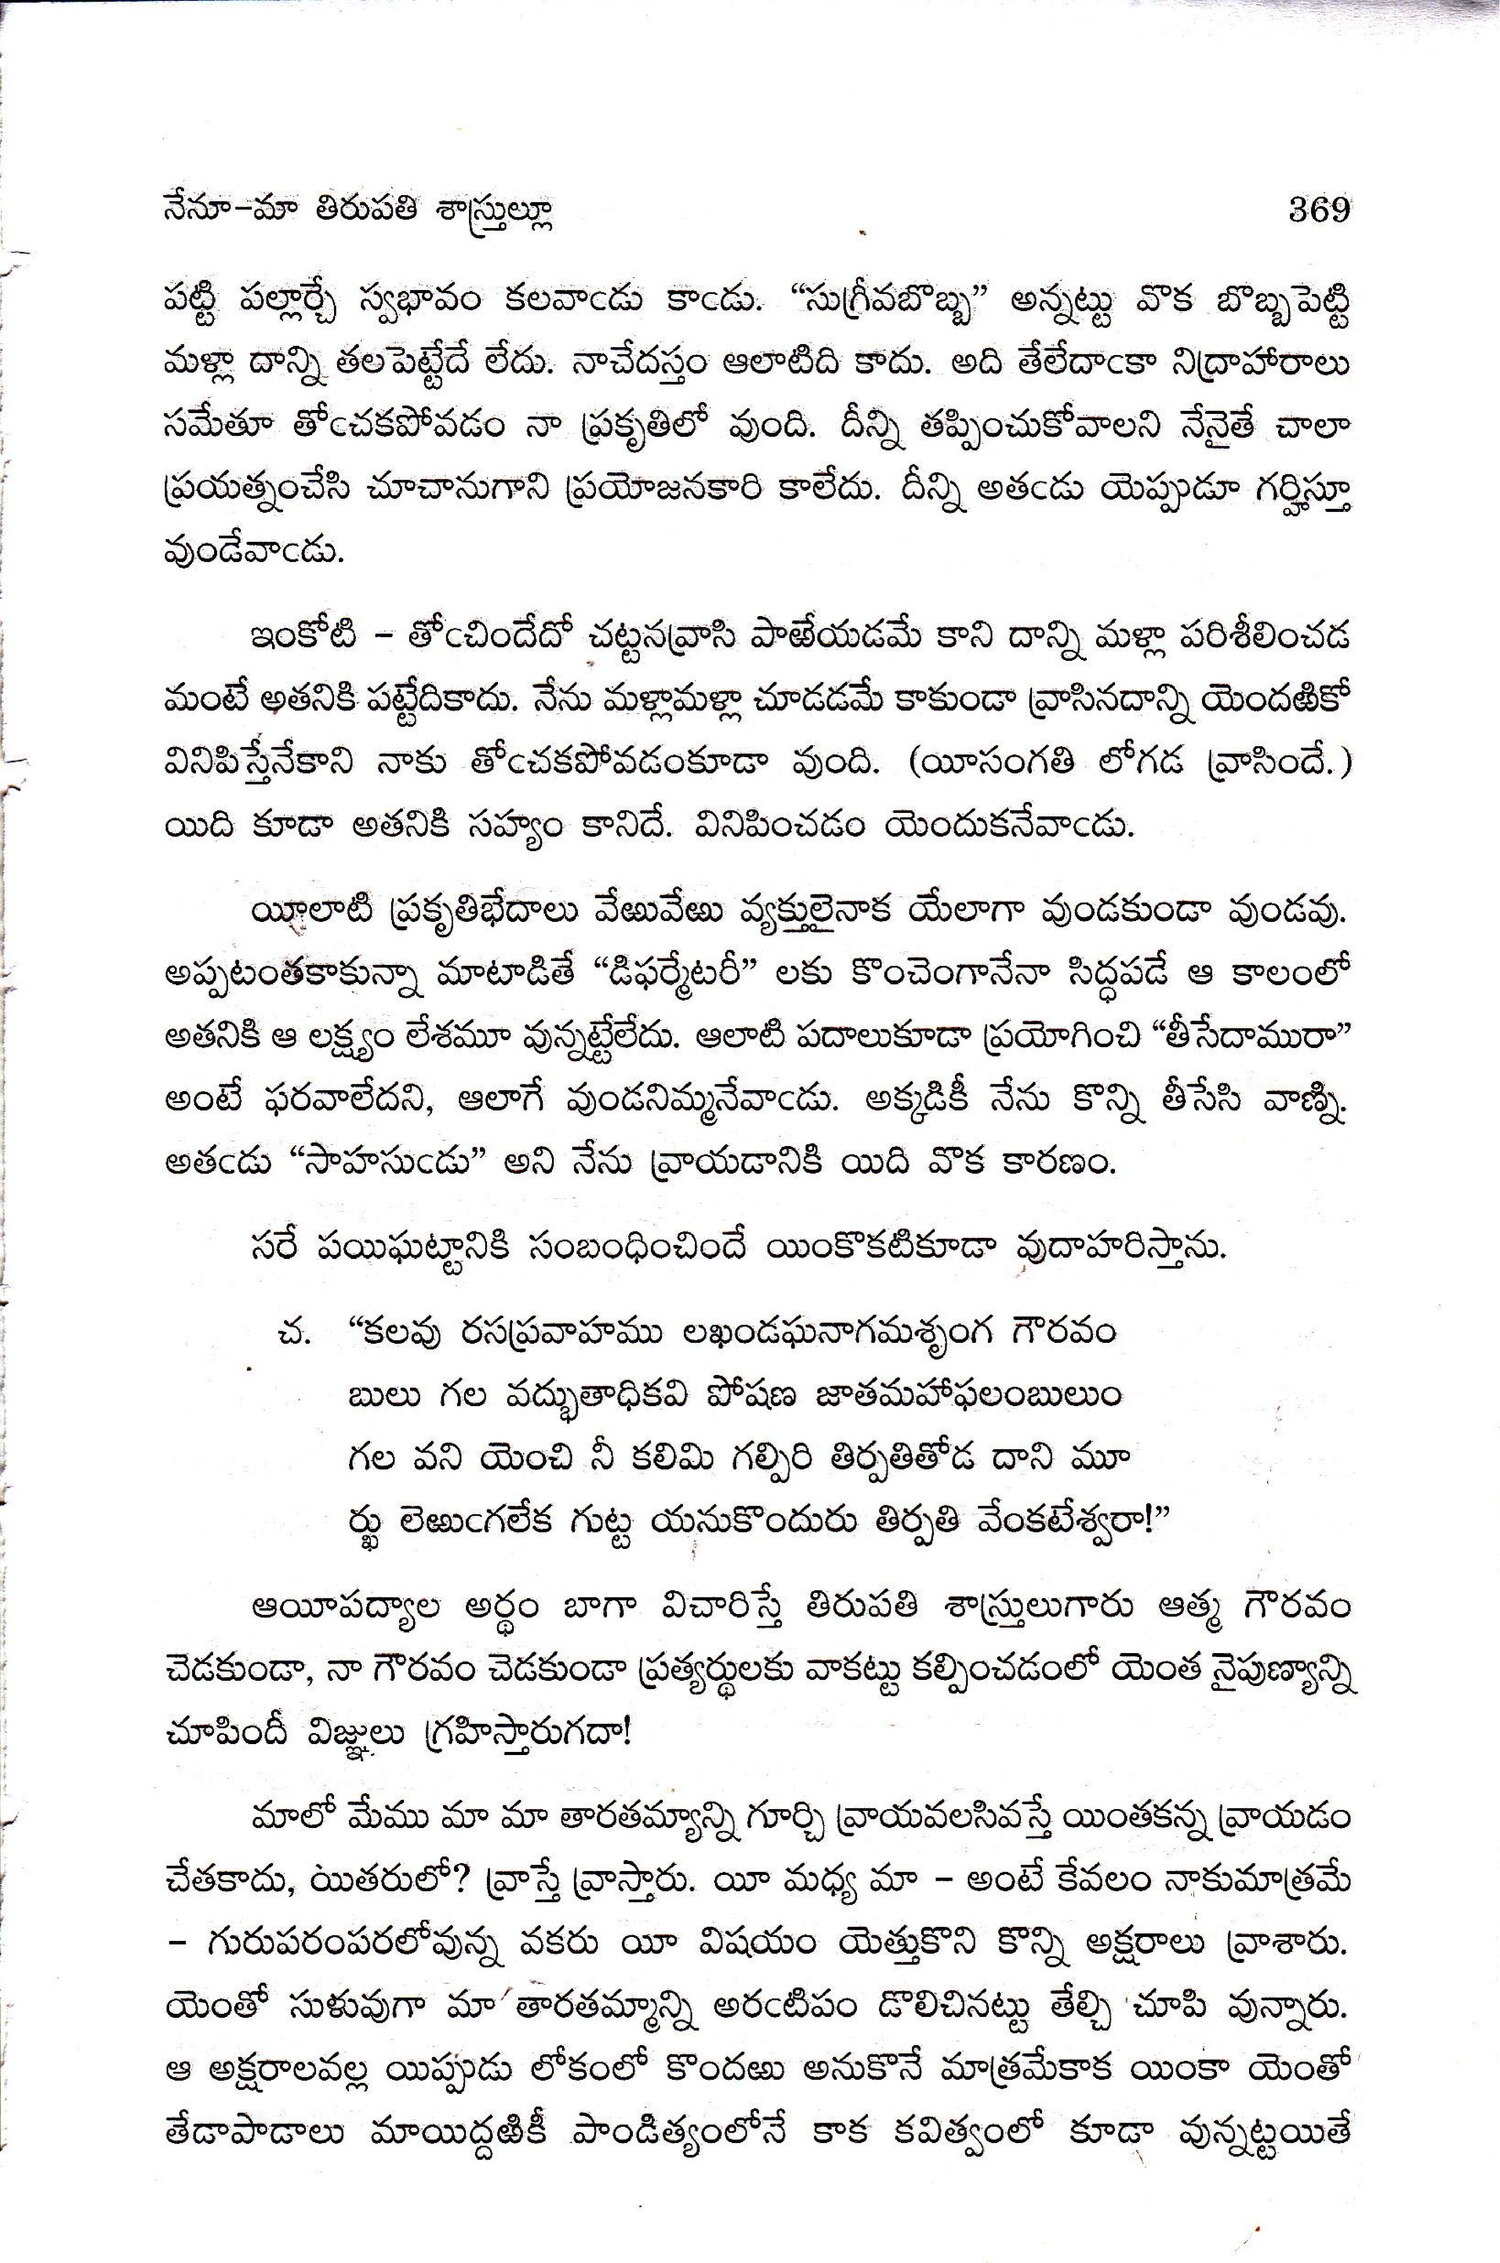పట్టి పల్లార్చే స్వభావం కలవాఁడు కాఁడు. "సుగ్రీవబొబ్బ" అన్నట్టు వొక బొబ్బపెట్టి మళ్లా దాన్ని తలపెట్టేదే లేదు. నాచేదస్తం ఆలాటిది కాదు. అది తేలేదాఁకా నిద్రాహారాలు సమేతూ తోఁచకపోవడం నా ప్రకృతిలో వుంది. దీన్ని తప్పించుకోవాలని నేనైతే చాలా ప్రయత్నంచేసి చూచానుగాని ప్రయోజనకారి కాలేదు. దీన్ని అతఁడు యెప్పుడూ గర్హిస్తూ వుండేవాఁడు.

ఇంకోటి - తోఁచిందేదో చట్టనవ్రాసి పాఱేయడమే కాని దాన్ని మళ్లా పరిశీలించడ మంటే అతనికి పట్టేదికాదు. నేను మళ్లామళ్లా చూడడమే కాకుండా వ్రాసినదాన్ని యెందఱికో వినిపిస్తేనేకాని నాకు తోcచకపోవడంకూడా వుంది. (యీసంగతి లోగడ వ్రాసిందే.) యిది కూడా అతనికి సహ్యం కానిదే. వినిపించడం యెందుకనేవాఁడు.

యీలాటి ప్రకృతిభేదాలు వేఱువేఱు వ్యక్తులైనాక యేలాగా వుండకుండా వుండవు. అప్పటంతకాకున్నా మాటాడితే "డిఫర్మేటరీ" లకు కొంచెంగానేనా సిద్ధపడే ఆ కాలంలో అతనికి ఆ లక్ష్యం లేశమూ వున్నట్టేలేదు. ఆలాటి పదాలుకూడా ప్రయోగించి "తీసేదామురా" అంటే ఫరవాలేదని, ఆలాగే వుండనిమ్మనేవాఁడు. అక్కడికీ నేను కొన్ని తీసేసి వాణ్ని అతఁడు “సాహసుఁడు" అని నేను వ్రాయడానికి యిది వొక కారణం.

సరే పయిఘట్టానికి సంబంధించిందే యింకొకటికూడా వుదాహరిస్తాను.

చ. “కలవు రసప్రవాహము లఖండఘనాగమశృంగ గౌరవం 
 బులు గల వద్భుతాధికవి పోషణ జాతమహాఫలంబులుం 
 గల వని యెంచి నీ కలిమి గల్పిరి తిర్పతితోడ దాని మూ
 ర్ఖు లెఱుఁగలేక గుట్ట యనుకొందురు తిర్పతి వేంకటేశ్వరా!”
ఆయీపద్యాల అర్థం బాగా విచారిస్తే తిరుపతి శాస్త్రులుగారు ఆత్మ గౌరవం చెడకుండా, నా గౌరవం చెడకుండా ప్రత్యర్థులకు వాకట్టు కల్పించడంలో యెంత నైపుణ్యాన్ని చూపిందీ విజ్ఞులు గ్రహిస్తారుగదా! -

మాలో మేము మా మా తారతమ్యాన్ని గూర్చి వ్రాయవలసివస్తే యింతకన్న వ్రాయడం చేతకాదు, యితరులో? వ్రాస్తే వ్రాస్తారు. యీ మధ్య మా - అంటే కేవలం నాకుమాత్రమే - గురుపరంపరలోవున్న వకరు యీ విషయం యెత్తుకొని కొన్ని అక్షరాలు వ్రాశారు. యెంతో సుళువుగా మా తారతమ్యాన్ని అరంటిపం డొలిచినట్టు తేల్చి చూపి వున్నారు. ఆ అక్షరాలవల్ల యిప్పుడు లోకంలో కొందఱు అనుకొనే మాత్రమేకాక యింకా యెంతో తేడాపాడాలు మాయిద్దఱికీ పాండిత్యంలోనే కాక కవిత్వంలో కూడా వున్నట్టయితే